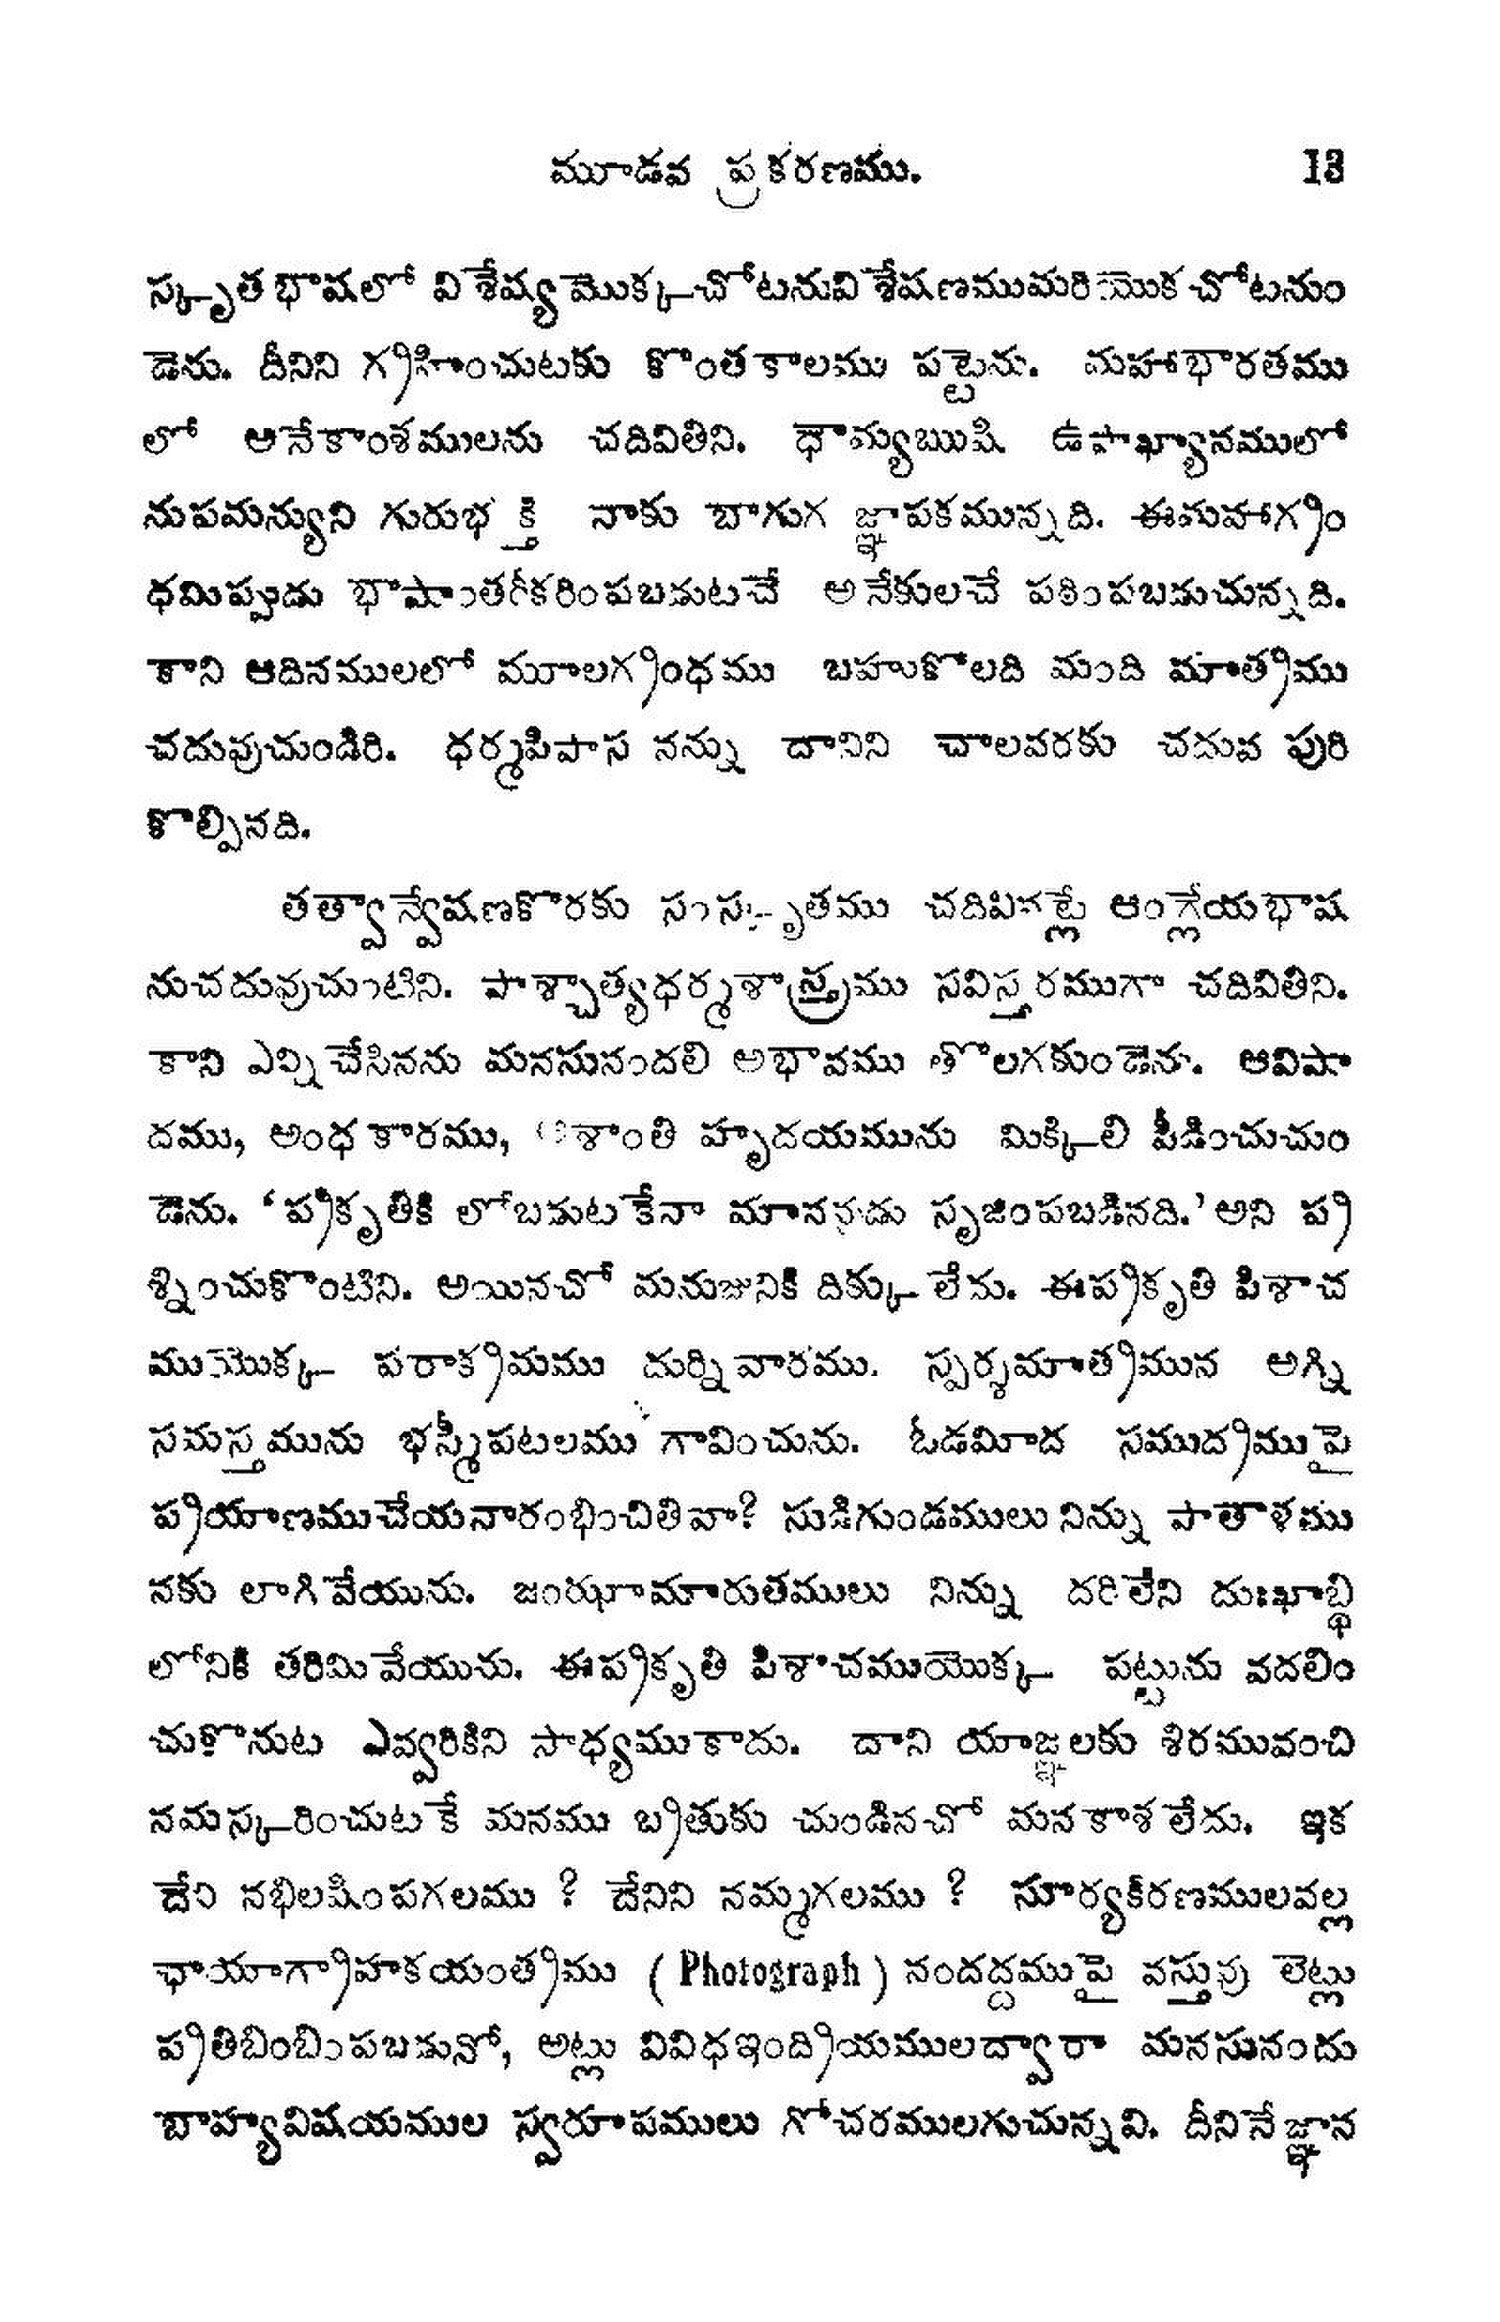స్కృత భాషలో విశేష్య మొక్కచోటను విశేషణము మరియొక చోటనుండెను. దీనిని గ్రహించుటకు కొంత కాలము పట్టెను. మహాభారతములో అనేకాంశములను చదివితిని. ధౌమ్యఋషి ఉపాఖ్యానములోనుపమన్యుని గురుభక్తి నాకు బాగుగ జ్ఞాపకమున్నది. ఈ మహాగ్రంధమిప్పుడు భాషాతగీకరింప బడుటచే అనేకులచే పఠింప బడుచున్నది. కాని ఆదినములలో మూలగ్రంధము బహుకొలది మంది మాత్రము చదువుచుండిరి. ధర్మపిపాస నన్ను దానిని చాలవరకు చదువ పురి కొల్పినది.

తత్యాన్వేషణకొరకు సంసృతము చదివినట్లే ఆంగ్లేయ భాషను చదువుచుంటిని. పాశ్చాత్య ధర్మశాస్త్రము సవిస్తరముగా " చదివితిని. కానీ ఎన్ని చేసినను మనసునందలి అభావము తొలగకుండెను. ఆవిషాదము, అంధ కారము,మన శాంతి హృదయమును మిక్కిలి పీడించుచుండెను. 'ప్రకృతికి లోబడుటకేనా మాననుడు సృజింపబడినది.” అని ప్రశ్నించు కొంటిని. అయినచో మనుజునికి దిక్కులేదు. ఈ ప్రకృతి పిశాచము యొక్క పరాక్రమము దుర్నివారము. స్పర్శమాత్రమున అగ్ని సమస్తమును భస్మీపటలము గావించును. ఓడమీద సముద్రము పై ప్రయాణము చేయ నారంభించితివా? సుడిగుండములు నిన్ను పాతాళ మునకు లాగి వేయును. జంఝామారుతములు నిన్ను దరిలేని దుఃఖాబ్ది లోనికి తరిమి వేయును. ఈ ప్రకృతి పిశాచముయొక్క పట్టును వదలించుకొనుట ఎవ్వరికిని సాధ్యముకాదు. దాని యాజ్ఞలకు శిరమువంచి నమస్కరించుటకే మనము బ్రతుకు చుండినచో మనకాశలేదు, ఇక దేవి నభిలషింపగలము ? దేనిని నమ్మగలము ? సూర్యకిరణములవల్ల ఛాయాగ్రాహకయంత్రము ( Photograph ) నందద్దముపై వస్తువు లెట్లు ప్రతిబింబి పబడునో, అట్లు వివిధ ఇంద్రియముల ద్వారా మనసునందు బాహ్య విషయముల స్వరూపములు గోచరములగుచున్నవి. దీనినే జ్ఞాన